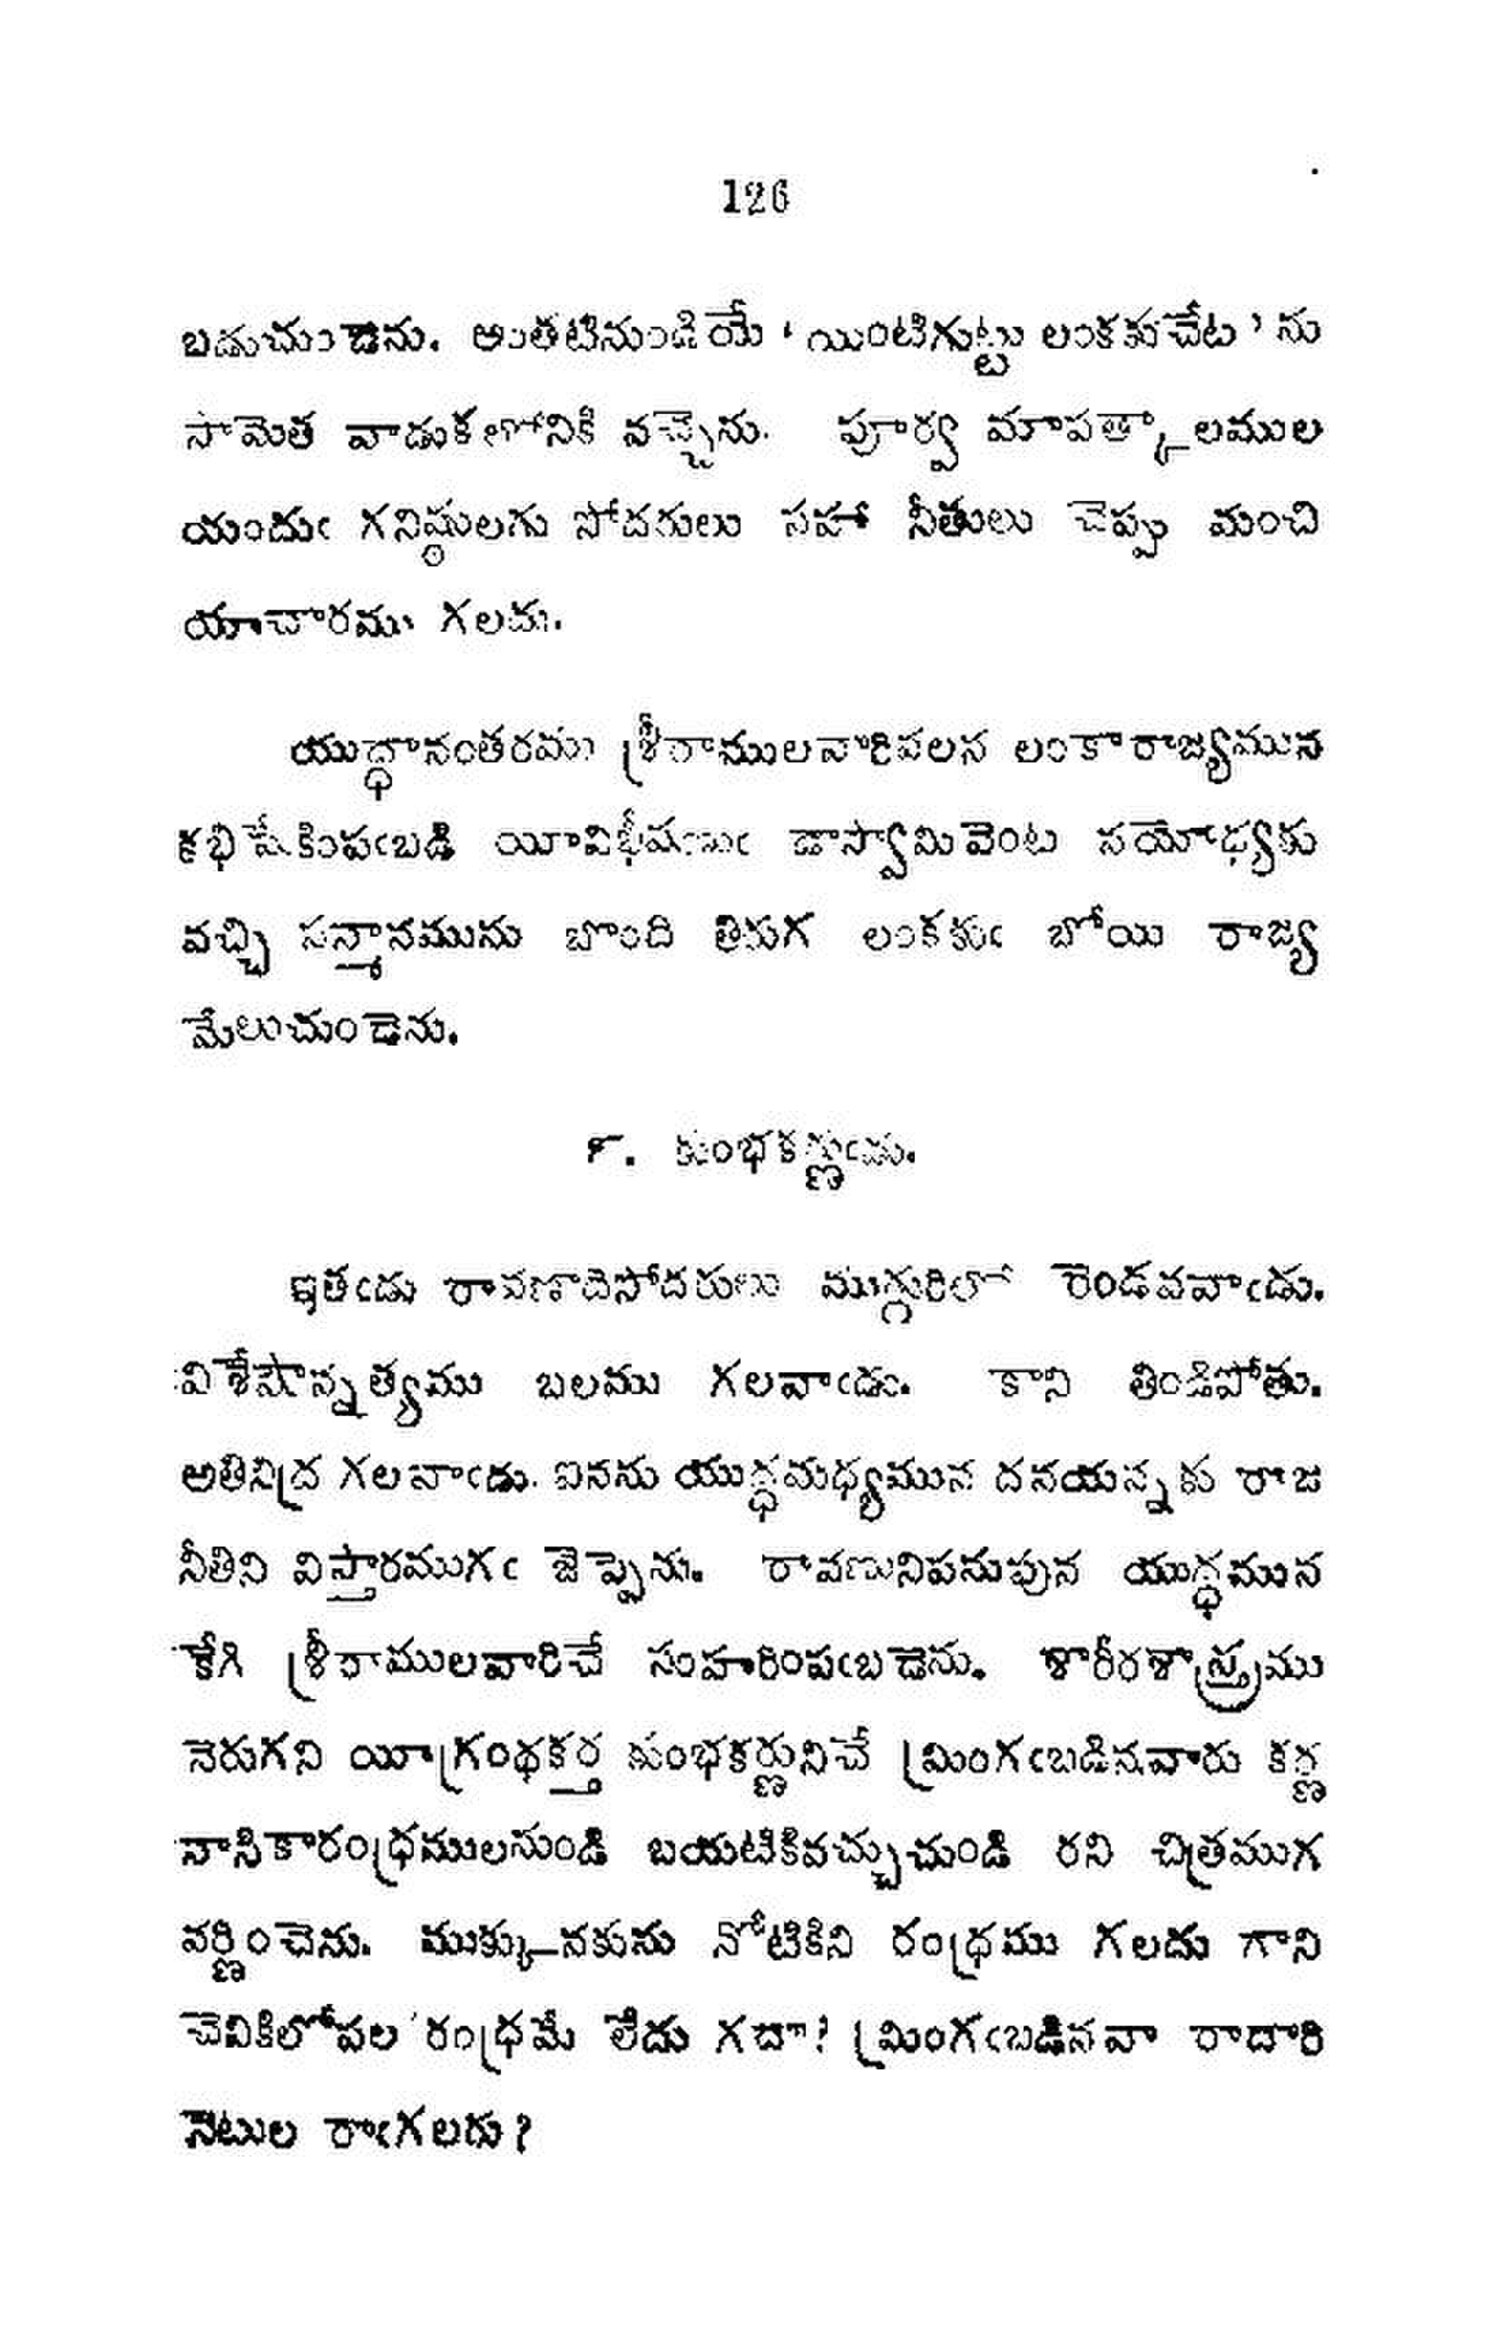బడుచుండెను. అంతటినుండియే 'యింటిగుట్టు లంకకుచేట'ను సామెత వాడుకలోనికి వచ్చెను. పూర్వ మాపత్కాలముల యందుఁ గనిష్ఠులగు సోదరులు సహా నీతులు చెప్పు మంచి యాచారము గలదు.

యుద్ధానంతరము. శ్రీరాములవారివలస లంకారాజ్యమున కభిషేకింపఁబడి యీవిభీషణుఁ డాస్వామివెంట నయోధ్యకు వచ్చి సన్మానమును బొంది తిరుగ లంకకుఁ బోయి రాజ్య మేలుచుండెను.

ఇతఁడు రావణాదిసోదరులు ముగ్గురిలో రెండవవాఁడు. విశేషౌన్నత్యము బలము గలవాఁడు. కాని తిండిపోతు. అతినిద్ర గలవాఁడు. ఐనను యుద్ధమధ్యమున దనయన్నకు రాజనీతిని విస్తారముగఁ జెప్పెను. రావణునిపనుపున యుద్ధమున కేగి శ్రీరాములవారిచే సంహరింపఁబడెను. శారీరశాస్త్రము
నెరుగని యీగ్రంథకర్త కుంభకర్ణునిచే మ్రింగఁబడినవారు కర్ణనాసికారంధ్రములనుండి బయటికివచ్చు చుండి రని చిత్రముగ వర్ణించెను. ముక్కునకును నోటికిని రంధ్రము గలదు గాని చెవికిలోపల రంధ్రమే లేదు గదా? మ్రింగఁబడినవా రాదారి నెటుల రాఁగలరు?